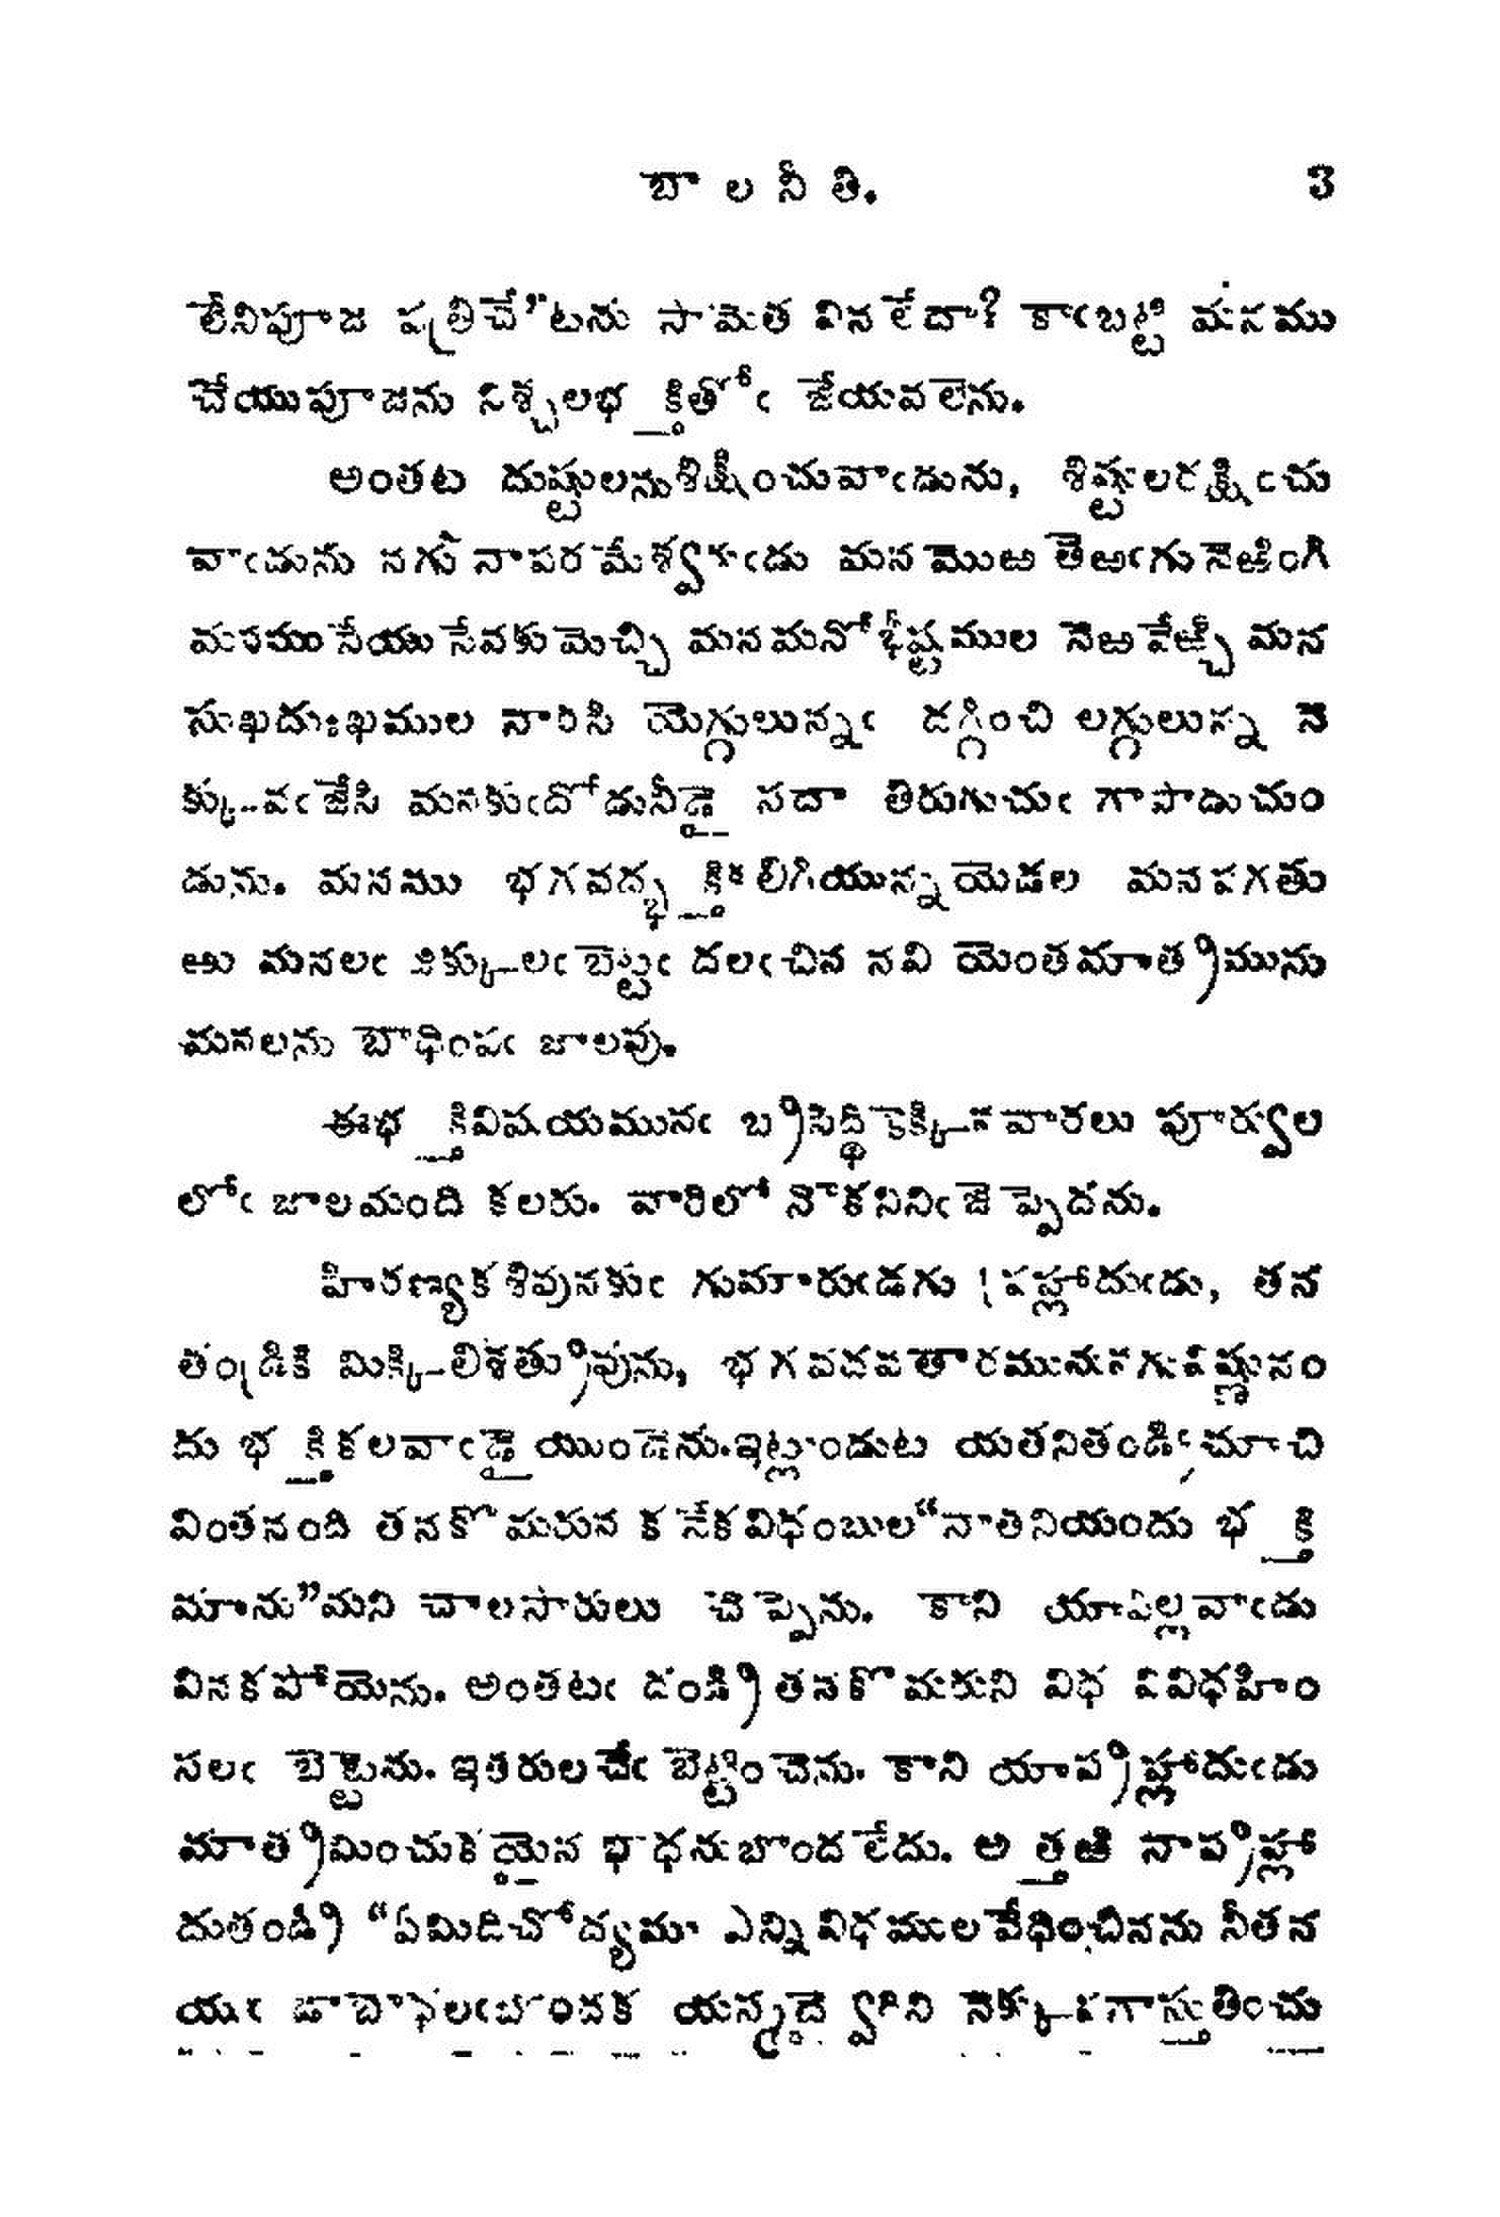లేనిపూజ పత్రిచే"టను సామెత వినలేదా? కాఁబట్టి మనము చేయుపూజను నిశ్చలభక్తితోఁ జేయవలెను.

అంతట దుష్టులను శిక్షించువాఁడును, శిష్టులరక్షించు
వాఁడును నగు నాపరమేశ్వరుఁడు మనమొఱ తెఱఁగునెఱంగి మనముసేయుసేవకుమెచ్చి మనమనోబీష్టముల నెఱవేఱ్చి మన
సుఖదుఃఖముల నారసి యొగ్గులున్నఁ దగ్గించి లగ్గులున్న నెక్కువఁజేసి మనకుఁదోడునీడై సదా తిరుగుచుఁ గాపాడుచుండును. మనము భగవద్భక్తి కలిగియున్నయెడల మనపగతుఱు మనలఁ జిక్కులఁబెట్టఁ దలఁచిన నవి యెంతమాత్రమును 
మనలను బాధింపఁ జాలవు.

ఈభక్తివిషయమునఁ బ్రసిద్థికెక్కినవారలు పూర్వులలోఁ జాలమంది కలదు. వారిలో నొకొనినిఁ జెప్పెదను.

హిరణ్యకశిపునకుఁ గుమారుఁడగు ప్రహ్లాదుఁడు, తన 
తండ్రికి మిక్కిలిశత్రువును, భగవదవతారమునునగు విష్ణునందు భక్తికలవాఁడై యుండెను. ఇట్లుండుట యతనితండ్రిచూచి వింతనంది తనకొమరున కనేకవిధంబుల "నాతనియందు భక్తి మాను"మని చాలసారులు చెప్పెను. కాని యాపిల్లవాఁడు 
వినకపోయెను. అంతటఁ దండ్రి తనకొమరుని విధ వివిధహింసలఁ బెట్టెను. ఇతరులచేఁ బెట్టించెను. కాని యాప్రహ్లాదుఁడు మాత్రమించుకయైన భాధను బొందలేదు. అత్తఱి నాప్రహ్లాదుతండ్రి "ఏమిదిచోద్యము ఎన్నివిధముల వేధించినను నీతనయఁ డాబాధలఁబొందక యస్మద్వైరిని ఎక్కువగా స్తుతించు